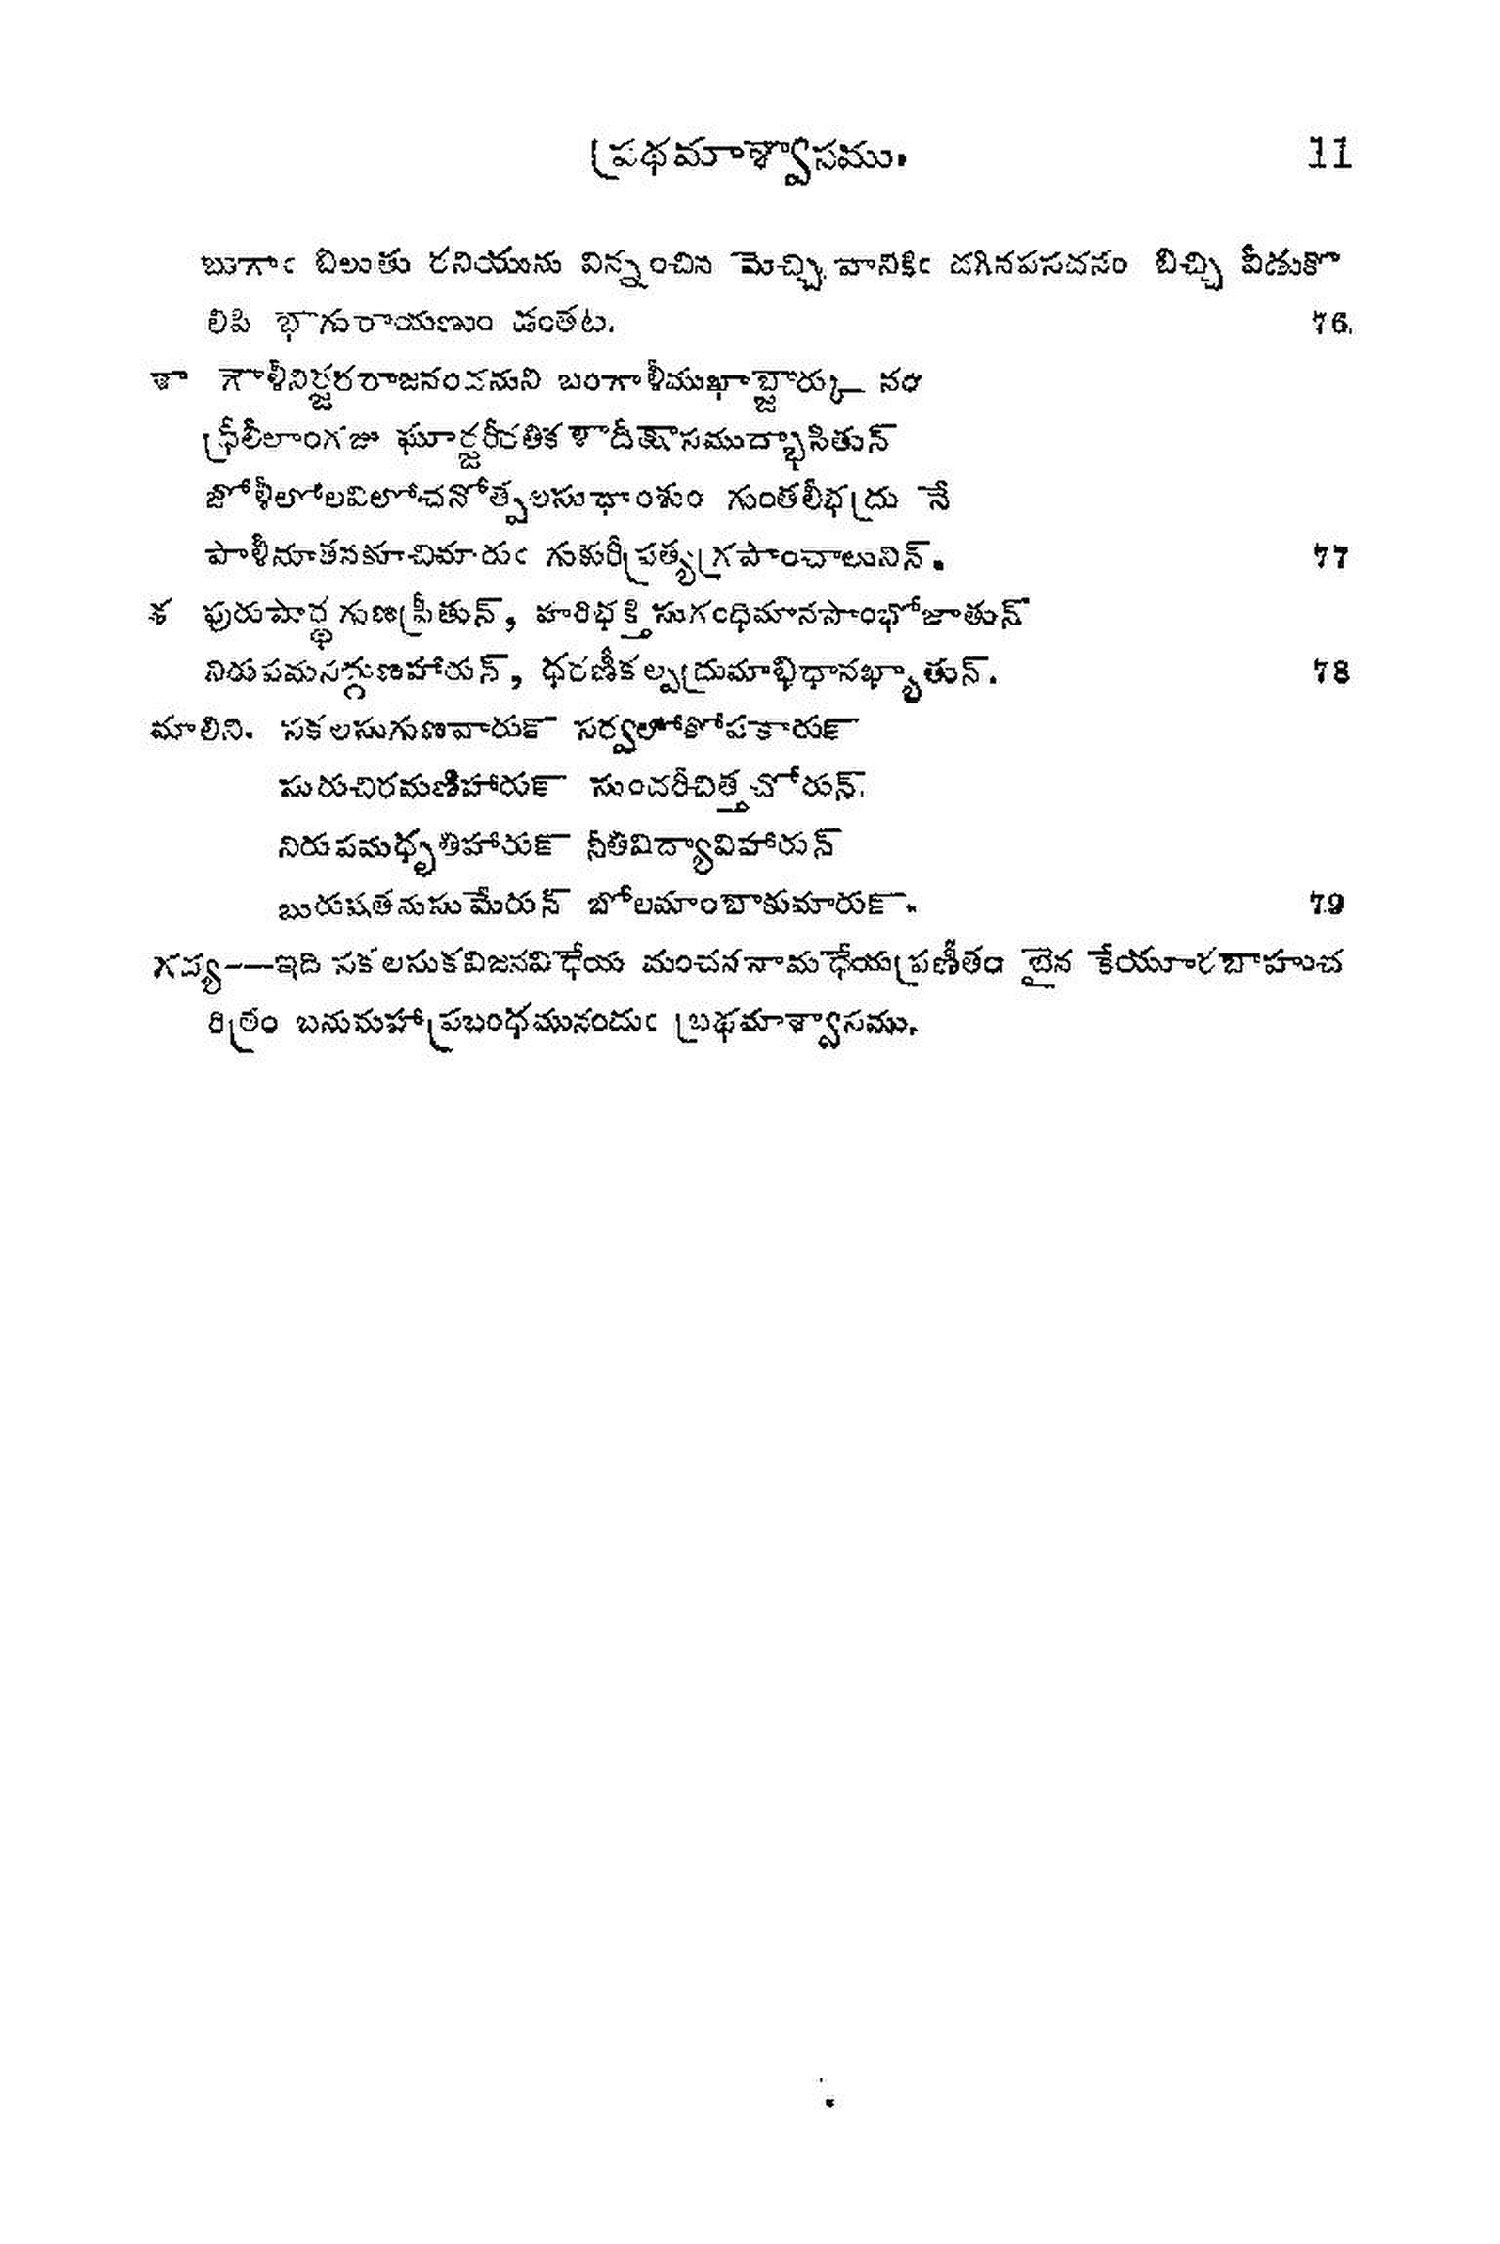బుగాఁ బిలుతు రనియును విన్నవించిన మెచ్చి వానికిఁ దగినపసదనం బిచ్చి వీడుకొ
 లిపి భాగురాయణుం డంతట.
శా. గౌళీనిర్జరరాజనందనుని బంగాళీముఖాబ్జార్కు నం
 ధ్రీలీలాంగజు ఘూర్జరీరతికళాదీక్షాసముద్భాసితున్
 జోళీలోలవిలోచనోత్పలసుధాంశుం గుంతలీభద్రు నే
 పాళీనూతనకూచిమారుఁ గుకురీప్రత్యగ్రపాంచాలునిన్.
క. పురుషార్థగుణప్రీతున్, హరిభక్తిసుగంధిమానసాంభోజాతున్
 నిరుపమసద్గుణహారున్, ధరణీకల్పద్రుమాభిధానఖ్యాతున్.
మాలిని. సకలసుగుణవారున్ సర్వలోకోపకారున్
 సురుచిరమణిహారున్ సుందరీచిత్తచోరున్
 నిరుపమధృతిహారున్ నీతివిద్యావిహారున్
 బురుషతనుసుమేరున్ బోలమాంబాకుమారున్.
గద్య—ఇది సకలసుకవిజనవిధేయ మంచననామధేయప్రణీతం బైన కేయూరబాహుచ
 రిత్రం బనుమహాప్రబంధమునందుఁ బ్రథమాశ్వాసము.